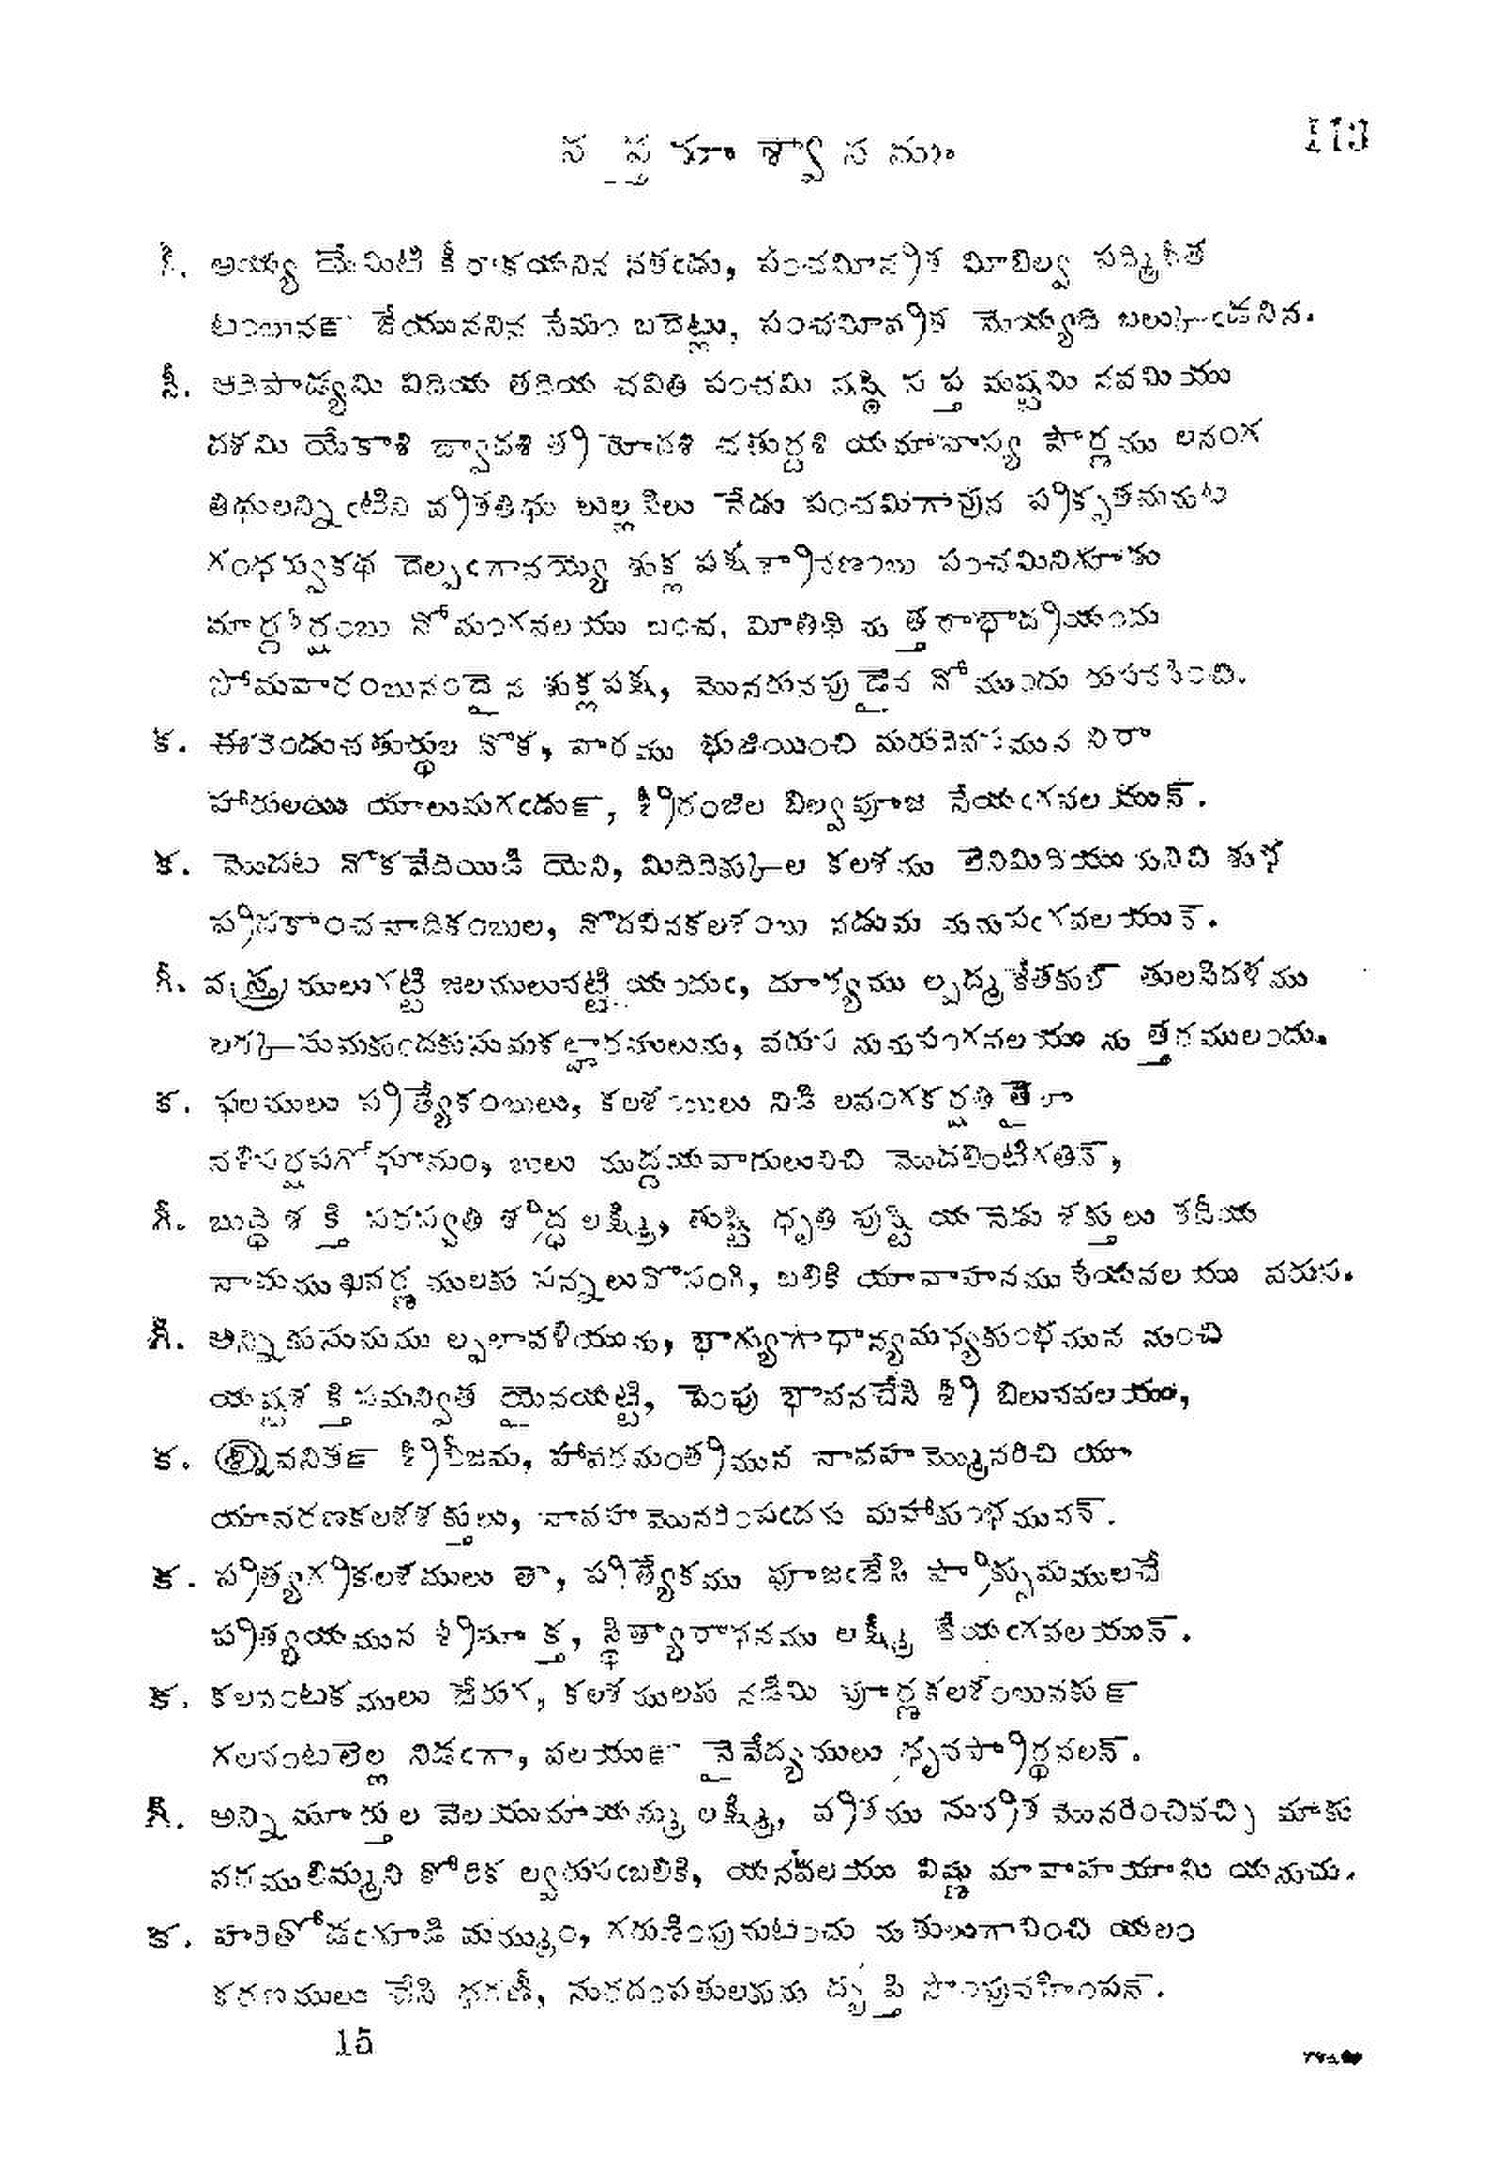గీ. అయ్యా యేమిటి కీరాక యనిన నతఁడు, పంచమీవ్రత మీబిల్వ పద్మినీత
 టంబునన్ జేయుననిన సేమం బదెట్లు, పంచమీవ్రత మెయ్యది బల్కుఁ డనిన.
సీ. ఆదిపాడ్యమి విదియ తదియ చవితి పంచమి షష్టి సప్త మష్టమి నవమియు
 దశమి యేకాశి ద్వాదశి త్రయోదశి చతుర్దశి యమావాస్య పౌర్ణము లనంగ
 తిథులన్నిఁటిని వ్రతతిథు లుల్లసిల్లు నేడు పంచమిగావున ప్రకృతమనుట
 గంధర్వుకథ దెల్పఁగానయ్యె శుక్లపక్షశ్రావణంబు పంచమినిగూడు
 మార్గశీర్షంబు నోమంగవలయు బంచ, మీతిథి నుత్తరాభాద్రయందు
 సోమవారంబునందైన శుక్లపక్ష, మొనరునపుడైన నో ముందు రుపవసించి.
క. ఈరెండుచతుర్థుల నొక, వారము భుజియించి మరుదివసమున నిరా
 హారులయి యాలుమగఁడున్, శ్రీరంజిల బిల్వపూజ సేయఁగవలయున్.
క. మొదట నొకవేదియిడి యెని, మిదిదిక్కుల కలశము లెనిమిదియు నునిచి శుభ
 ప్రదకాంచనాదికంబుల, నొదవినకలశంబు నడుమ మనుపఁగవలయున్.
గీ. వస్త్రములు కట్టి జలములువట్టి యందుఁ, దూర్యము ల్పద్మకేతకుల్ తులసిదళము
 లర్కసుమకుందకుసుమకల్హారములును, వరుస నునుపంగవలము నుత్తరములందు.
క. ఫలములు ప్రత్యేకంబులు, కలశంబులు నిడి లవంగకర్షతితైలా
 వళిసర్షపగోధూమం, బులు ముద్గయవాదు లునిచి మొదలింటిగతిన్.
గీ. బుద్ధి శక్తి సరస్వతి శ్రద్ధ లక్ష్మి, తుష్టి ధృతి పుష్టి యనెడు శక్తులు తదీయ
 నామముఖవర్ణములకు సన్నలు వొసంగి, బలికి యావాహనము సేయవలయు వరుస.
గీ. అన్ని కుసుమము ల్ఫలావళియును, భాగ్యుగాధాన్యమధ్యకుంభమున నుంచి
 యష్టశక్తిసమన్విత యైనయట్టి, పెంపు భావన చేసి శ్రీ బిలువవలయు.
క. శ్రీవనితన్ శ్రీబీజమ, హావరమంత్రమున నావహ మ్మొనరిచి యా
 యావరణకలశశక్తులు, నావహమొనరింపఁదగు మహాకుంభమునన్.
క. ప్రత్యగ్రకలశములు తా, ప్రత్యేకము పూజఁదేసి ప్రాక్సుమములచే
 ప్రత్యయమున శ్రీసూక్త, స్థిత్యారాధనము లక్ష్మి జేయఁగవలయున్.
క. కలవంటకములు దేరుగ, కలశములకు నడిమి పూర్ణకలశంబునకున్
 గలవంటలెల్ల నిడఁగా, వలయున్ నైవేద్యములుధృవప్రార్థనలన్.
గీ. అన్నిమూర్తుల వెలయుమాయమ్మ లక్ష్మి, వ్రతము సువ్రత మొనరించివచ్చి మాకు
 వరము లిమ్మని కోరిక ల్వరుసఁబలికి, యనవలయు విష్ణు మావాహయామి యనుచు.
క. హరితోడఁ గూడి మమ్ముం, గరుణింపుమటంచు నుతులు గావించి యలం
 కరణములు చేసి ధరణీ, సురదంపతులకును దృప్తి సొంపు వహింపన్.